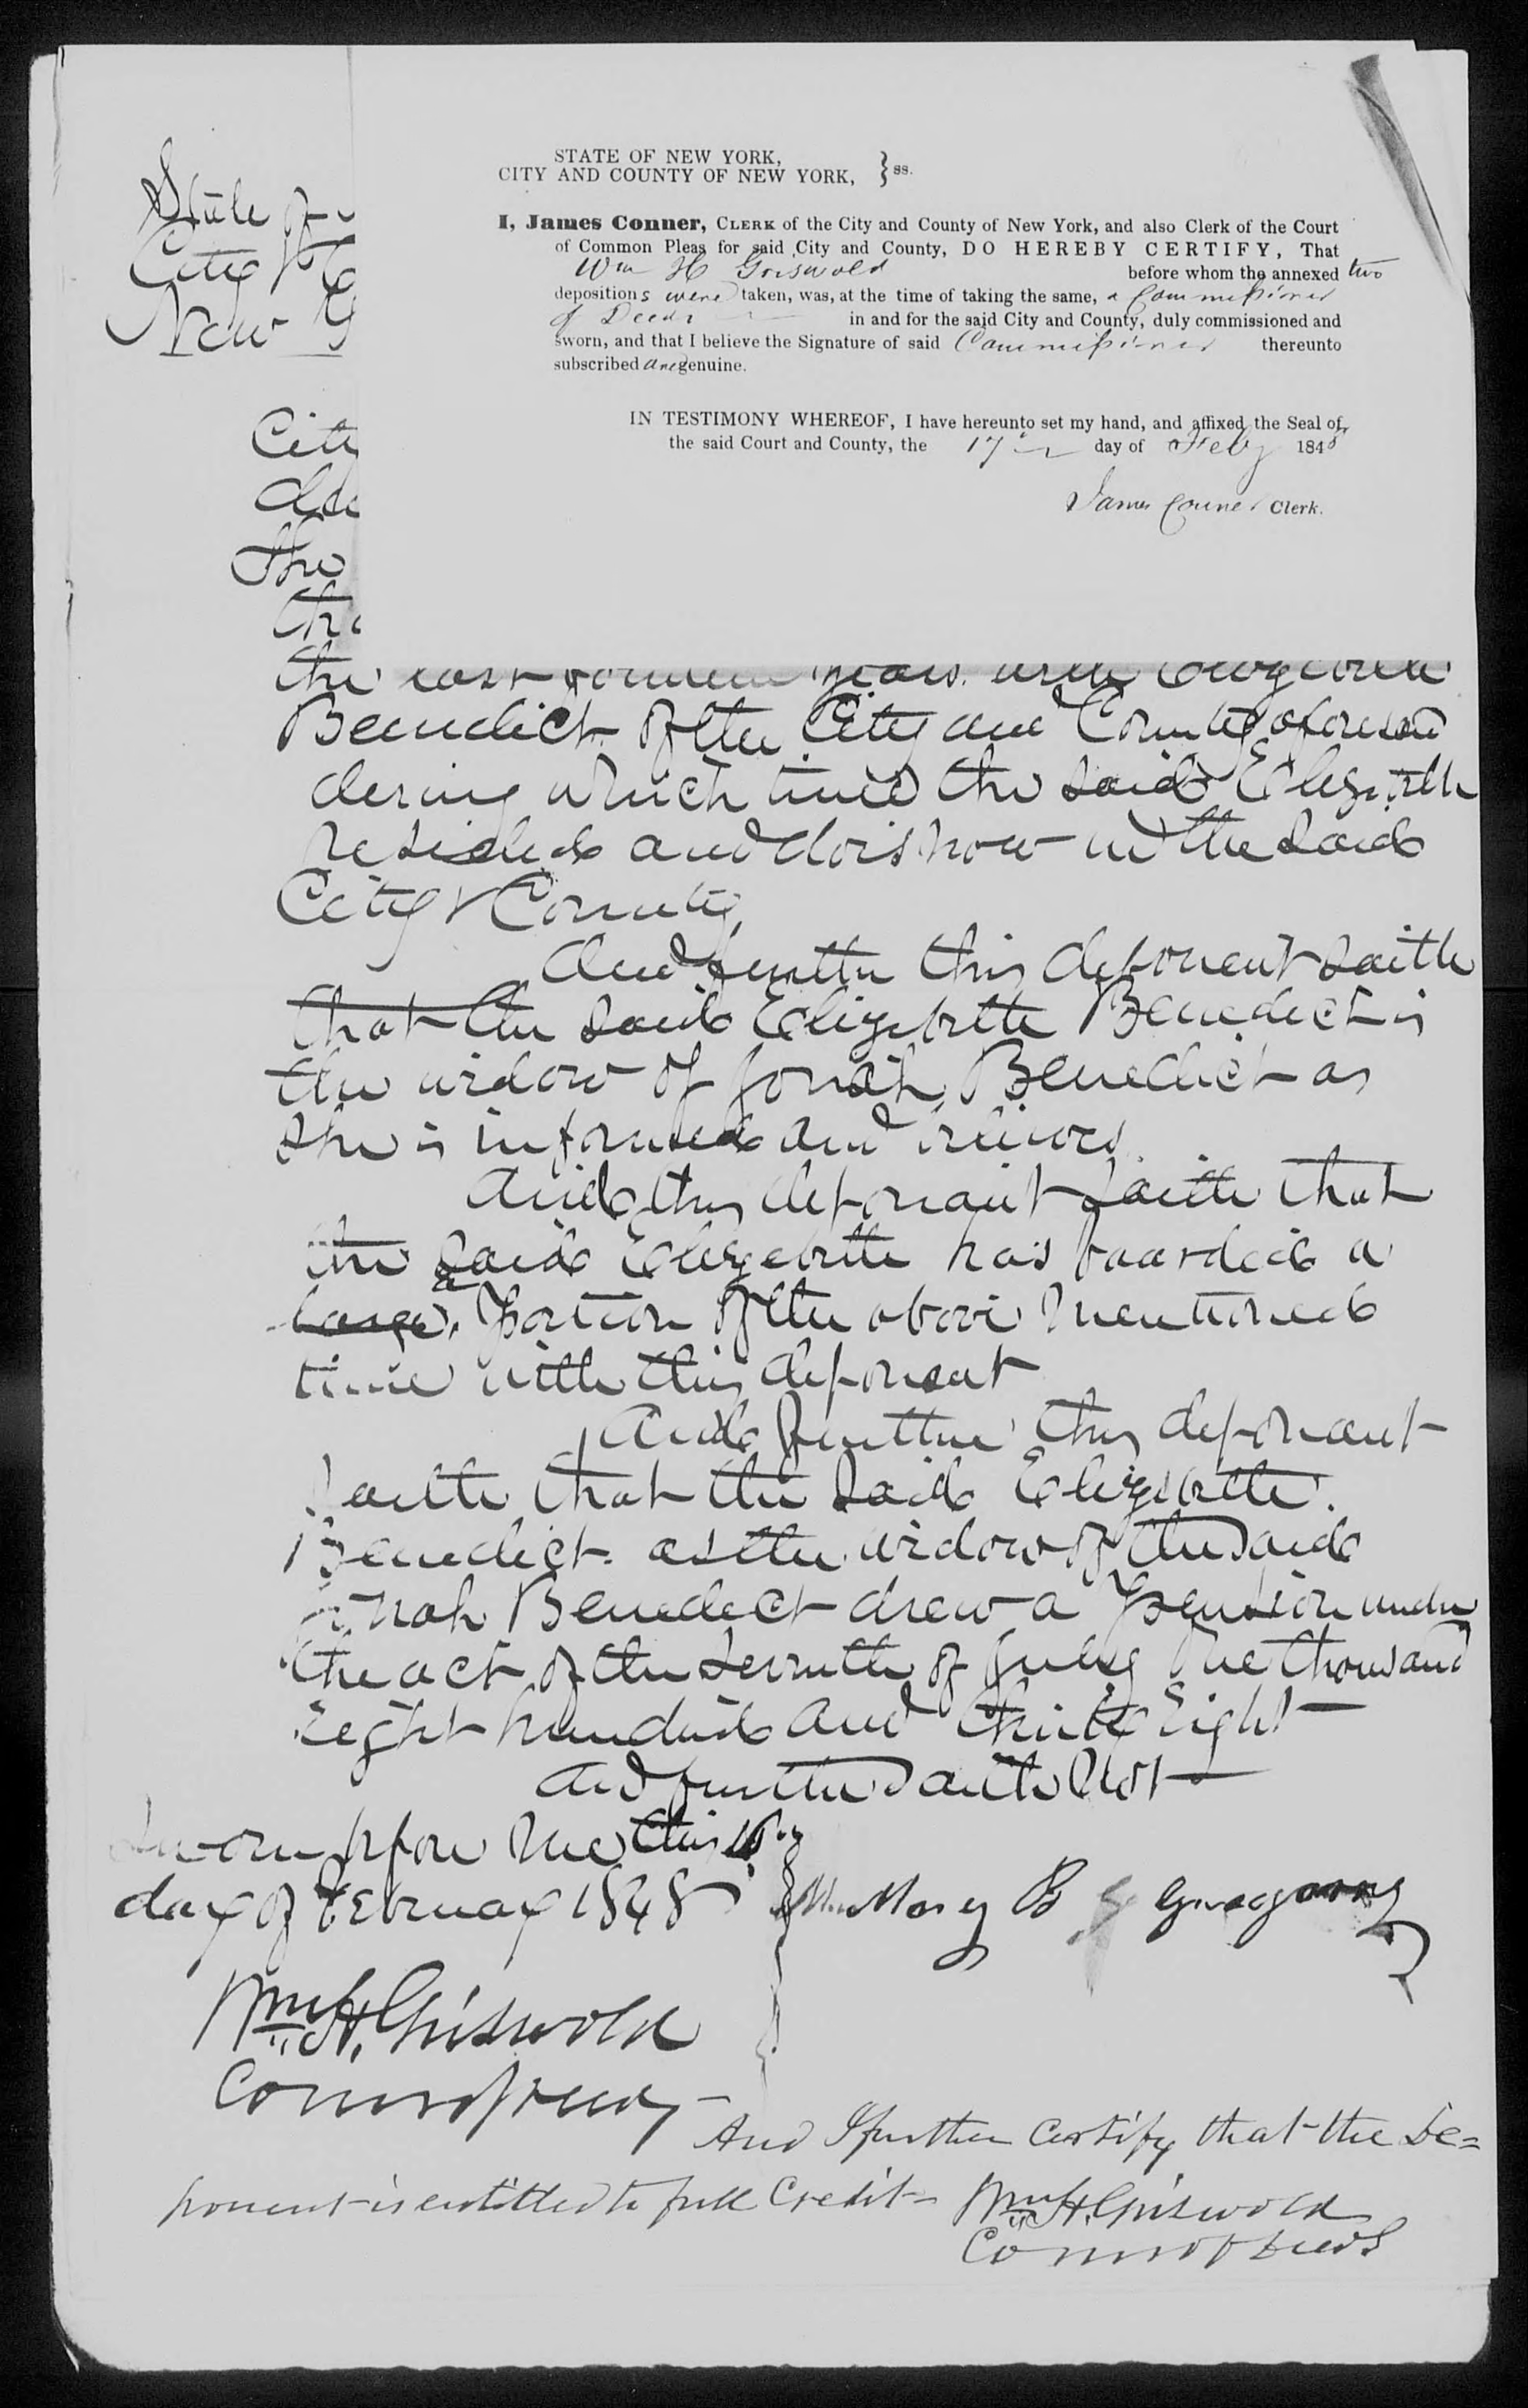STATE OF NEW YORK.
CITY AND COUNTY OF NEW YORK, } ss.
I, James Conner, CLERK of the City and County of New York, and also Clerk of the Court
of Common Pleas for said City and County, DO HEREBY CERTIFY, That
   Wm H Griswold           before whom the annexed two
depositions were taken, was, at the time of taking the same, a Commissioner
of Deeds   in and for the said City and County, duly commissioned and
sworn, and that I believe the signature of said Commissioner thereunto
subscribed are genuine.

         IN TESTIMONY WHEREOF, I have hereunto set my hand, and affixed the Seal of
         the said Court and County, the 17 day of Feb 1845
                                            James Conner Clerk


the last seven years with ????
Benedict of the City and County aforesaid
during which time the said Elizabeth
resided and does now in the said
City & County
      And further this deponent saith
that the said Elizabeth Benedict is
the widow of Jonah Benedict as
he is informed and believes
              And this deponant saith that the
said Elizabeth had boarded a
 portion of the above mentioned
time with this deponent
     And further this deponant
saith that the said Elizabeth
benedict as the widow of the said
Jonah Benedict drew a pension under the
act of the seventh of July one thousand
Eight hundred and thirty Eight
               And further saith not
Sworn before me this 16
day of February 1848                            Miss  Mary B  Gregory 
Wm H. Griswold
Comm of Deeds
                 And I further certify that the De-
ponent is entitled to full credit.    Wm H. Griswold
                                                       Comm of Deeds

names: James Conner, Wm H Griswold, James Conner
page: 40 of 56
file: [ILLEGIBLE], Jonah Benedict, Conn.